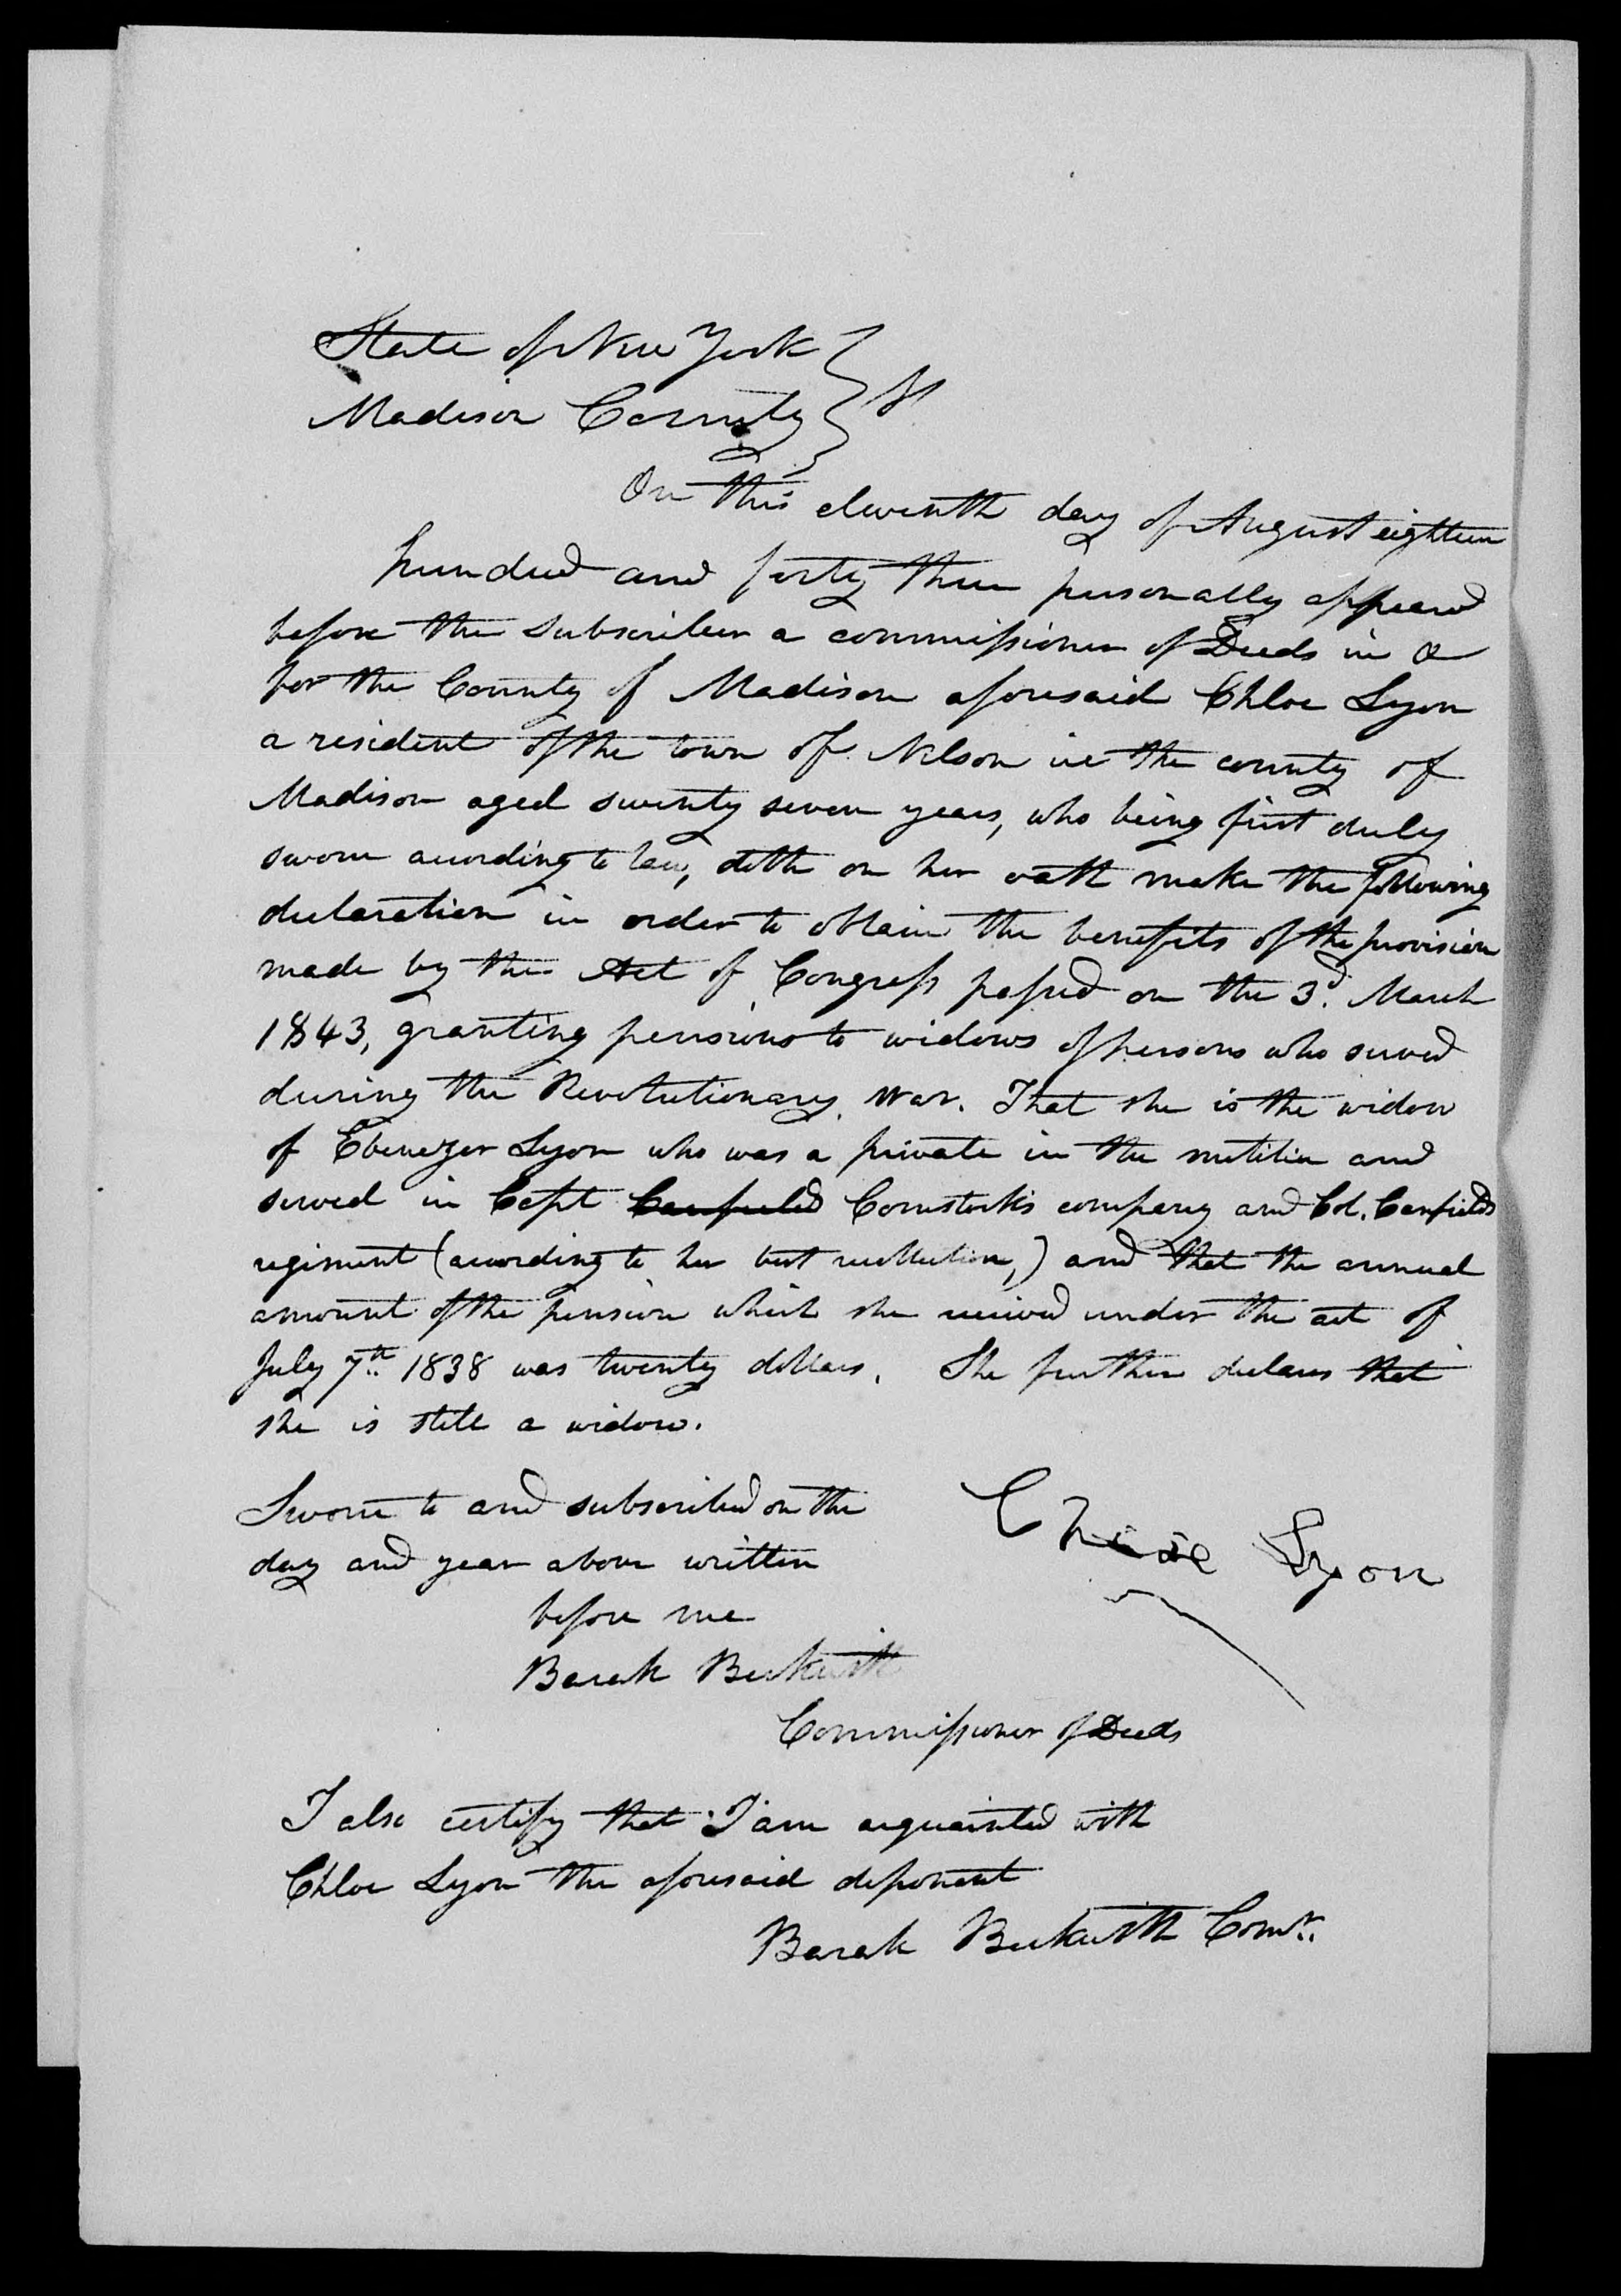State of New York
Madison County ss
On this eleventh day of August eighteen hundred and forty three personally appeared before the Subscriber a commissioner of Deeds in & for the County of Madison aforesaid Chloe Lyon a resident of the town of Nelson in the county of Madison aged seventy seven years, who being first duly sworn according to law, doth on her oath make the following declaration in order to obtain the benefits of the provision made by the Act of Congress passed on the 3d March 1843, granting pensions to widows of persons who served during the Revolutionary War. That she is the widow of Ebenezer Lyon who was a private in the militia and served in Capt Comstock's company and Col. Canfields regiment (according to her best recollection,) and that the annual amount of the pension which she received under the act of July 7th 1838 was twenty dollars. She further declares that she is still a widow.
Chloe Lyon [Signature]

Sworn to and subscribed on the day and year above written
before me
Barak Beckwith
Commissioner of Deeds
I also certify that I am acquainted with Chloe Lyon the aforesaid deponent
Barak Beckwith Comr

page: 35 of 40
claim: widow's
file: W. 24,615, for Ebenezer Lyon, Connecticut